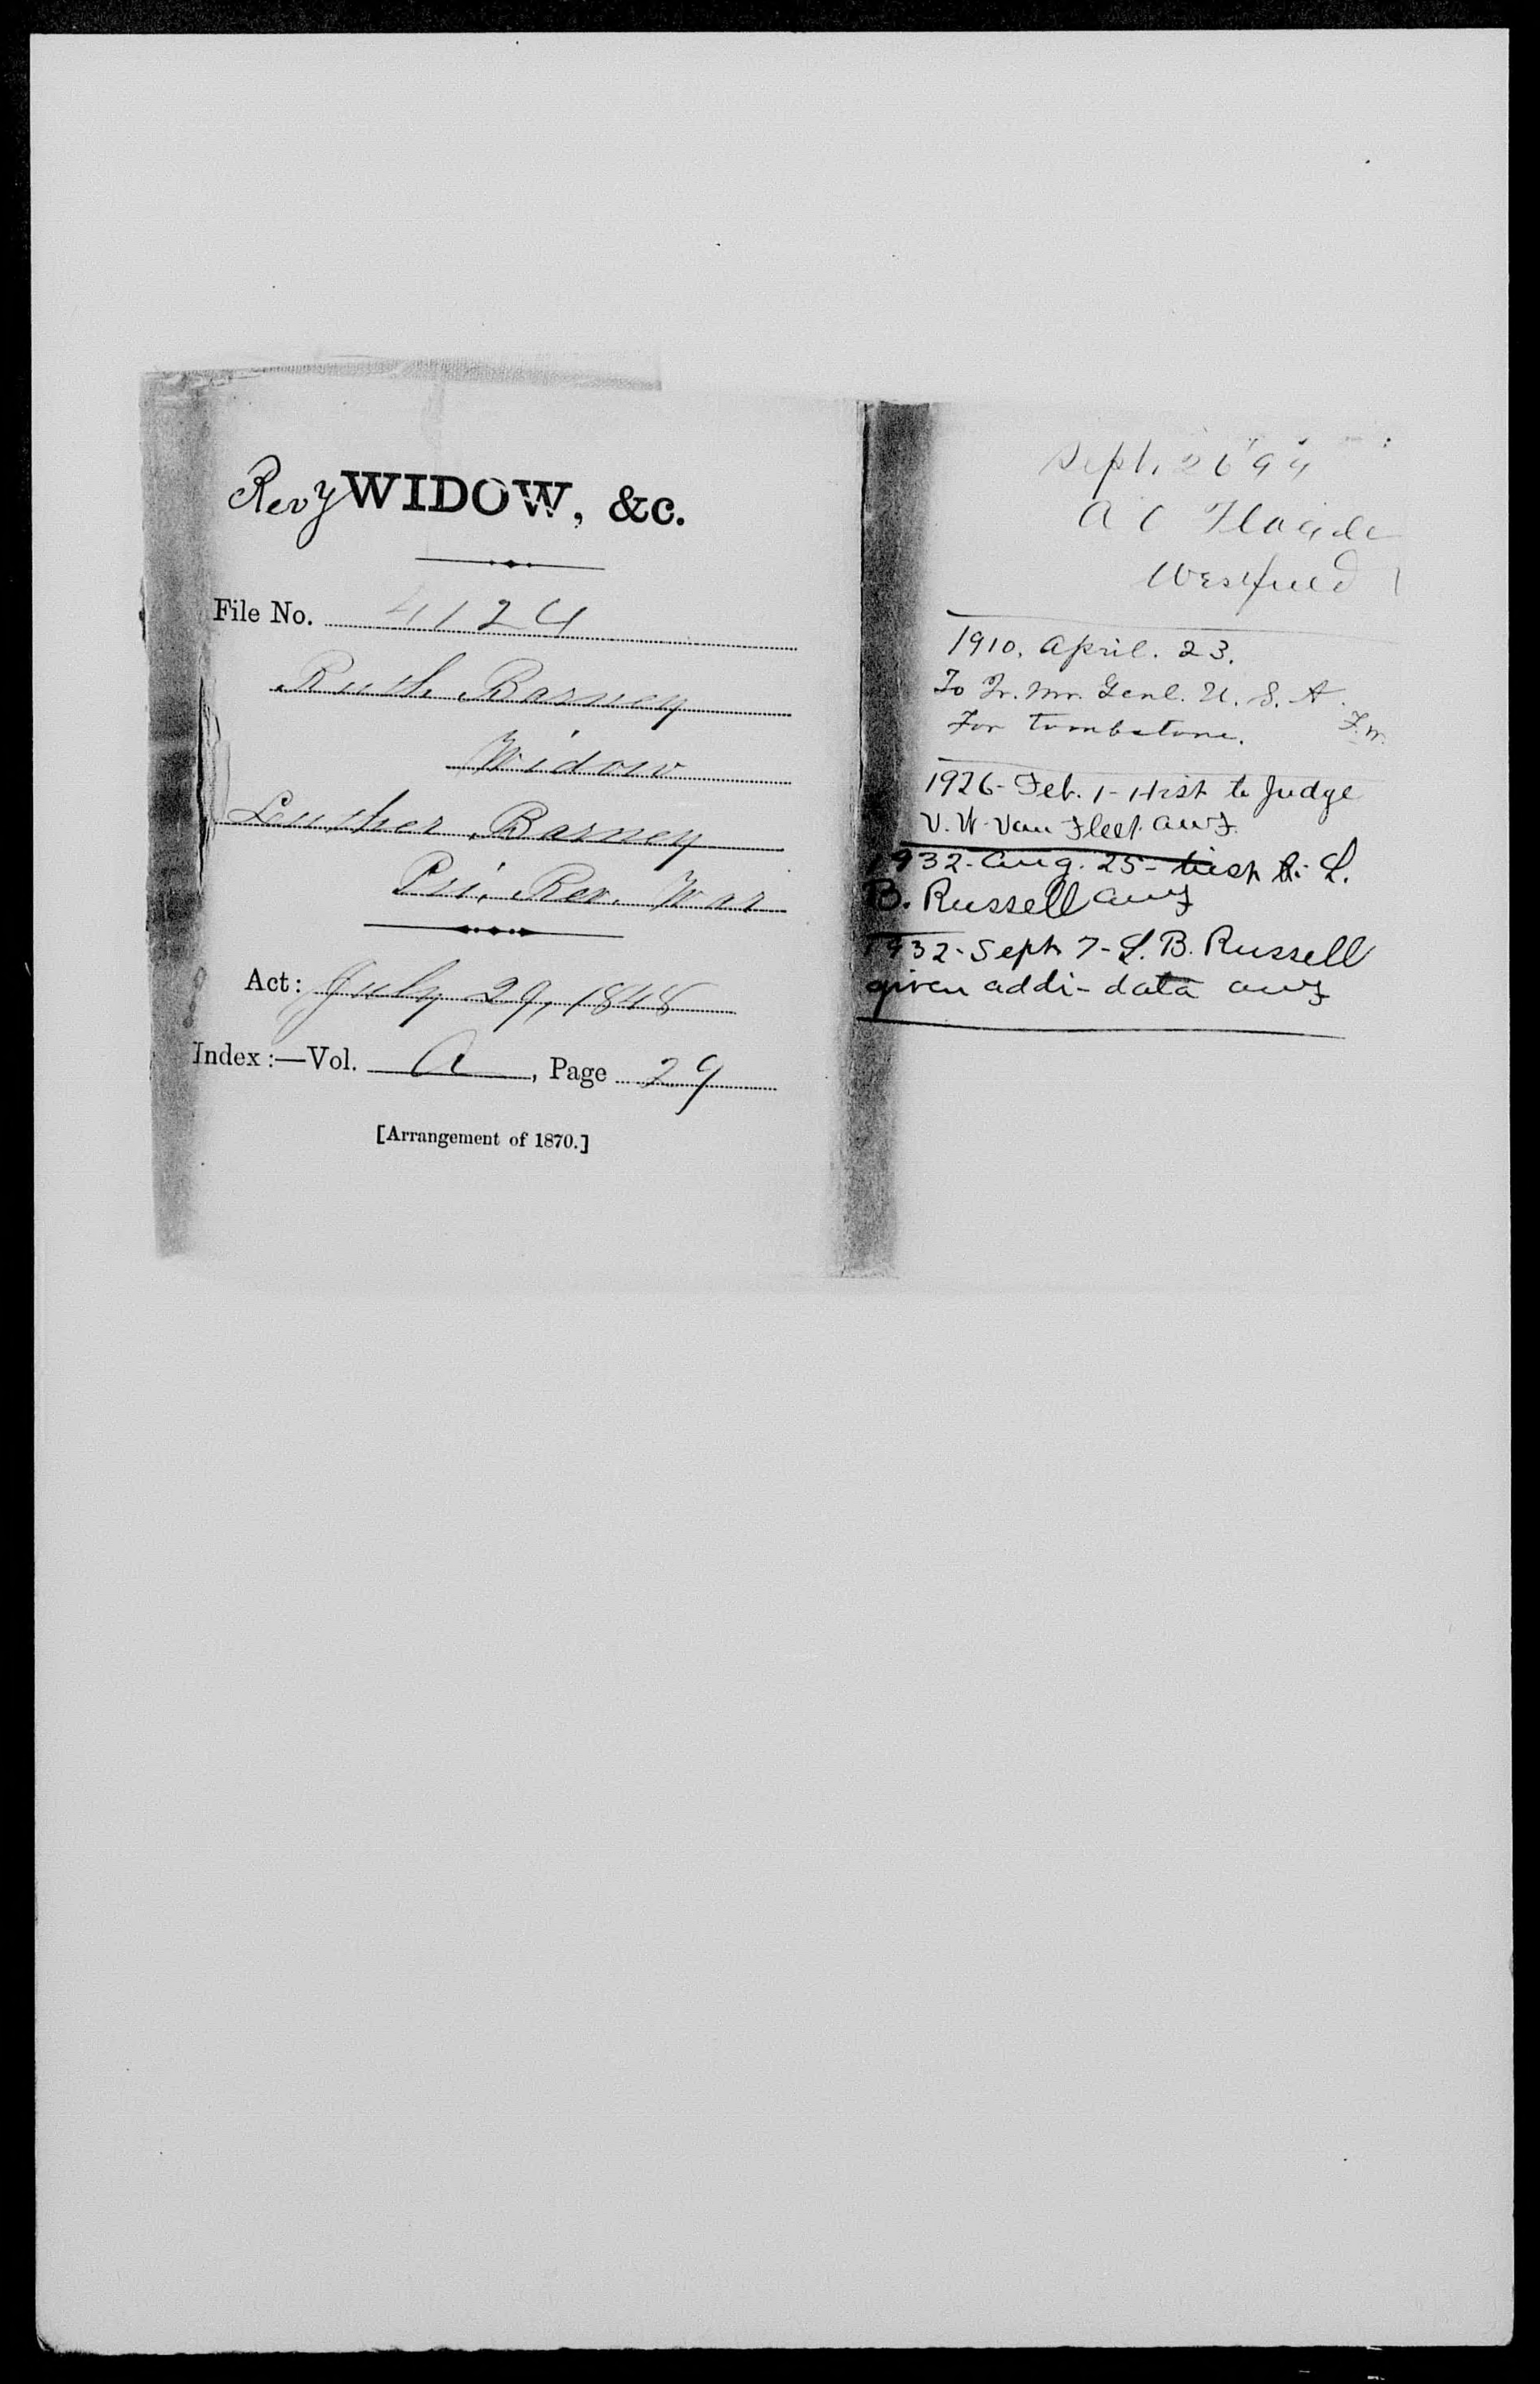Revy WIDOW, &c.

File No. 4124
Ruth Barney
Widow
Luther Barney
Pri. Rev. War
Act: July 29, 1848
Index:--Vol. A, Page 29
[Arrangement of 1870.]

Sept. 26 99
A O [illegible]
Westfield
-----
1910, April 23.
To Jr. Mr. Genl. U. S. A.
For tombstone.
F. W.
-----
1926 - Feb. 1 - Hist to Judge
V. W. Van Fleet AWJ.
-----
1932 - Aug. 25 - hist A.D.
B. Russell AWJ
-----
1932 - Sept 7 - S.B. Russell
given addi-data AWJ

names: Luther Barney, V W Van Fleet, B Russell, Ruth Barney, B Russell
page: 22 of 61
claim: widow's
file: W. 4.124, Luther Barney, Conn. Privateer.